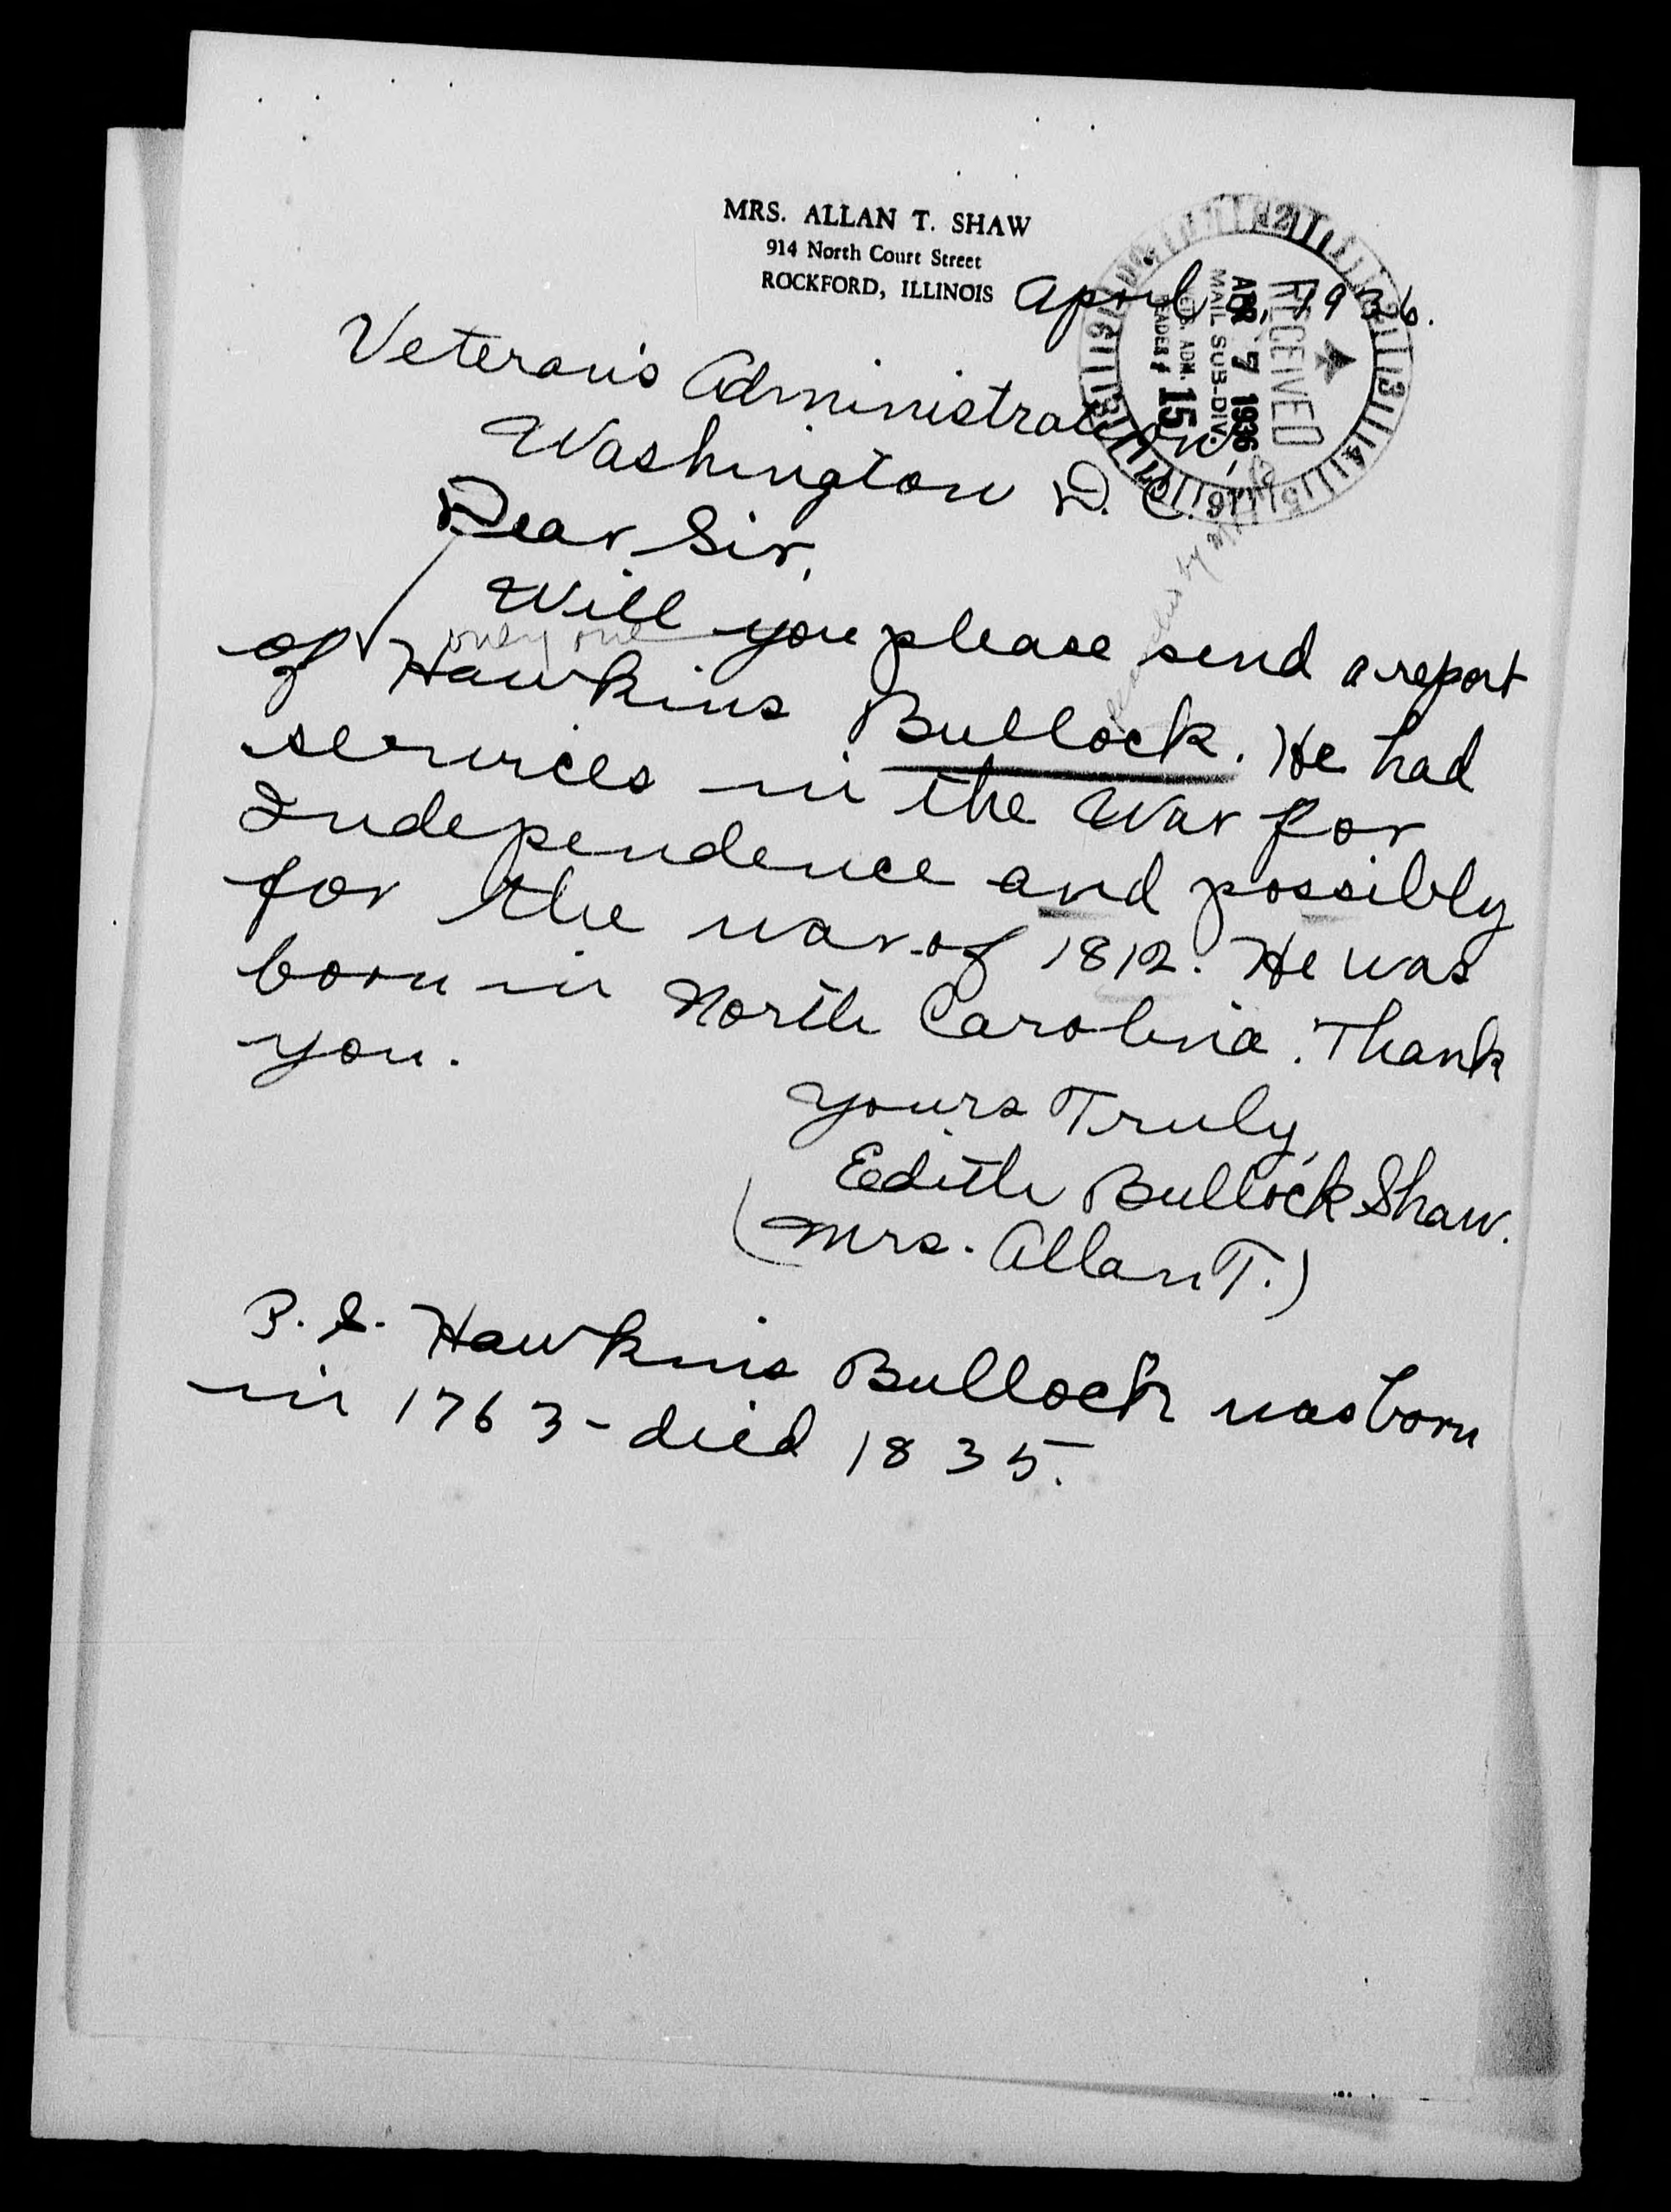MRS. ALLAN T. SHAW
914 North Court Street
ROCKFORD, ILLINOIS
April 2, 1936.

[stamp] RECEIVED APR 7 1936 MAIL SUB-DIV. VETS. ADM. READER #15

Veteran's Administration
Washington D.C.

Dear Sir,
Will you please send a report Hawkins Bullock ^only one^. He had services in the war for Independence and possibly for the war of 1812. He was born in North Carolina. Thank you.
Yours Truly,
Edith Bullock Shaw
(Mrs. Allan T.)
P.S. Hawkins Bullock was born in 1763 - died 1835.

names: Edith Bullock Shaw, Allan T Shaw, Allan T, Hawkins Bullock, Hawkins Bullock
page: 20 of 24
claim: survivor's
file: S. 31,586, Hawkins Bullock, S.C.